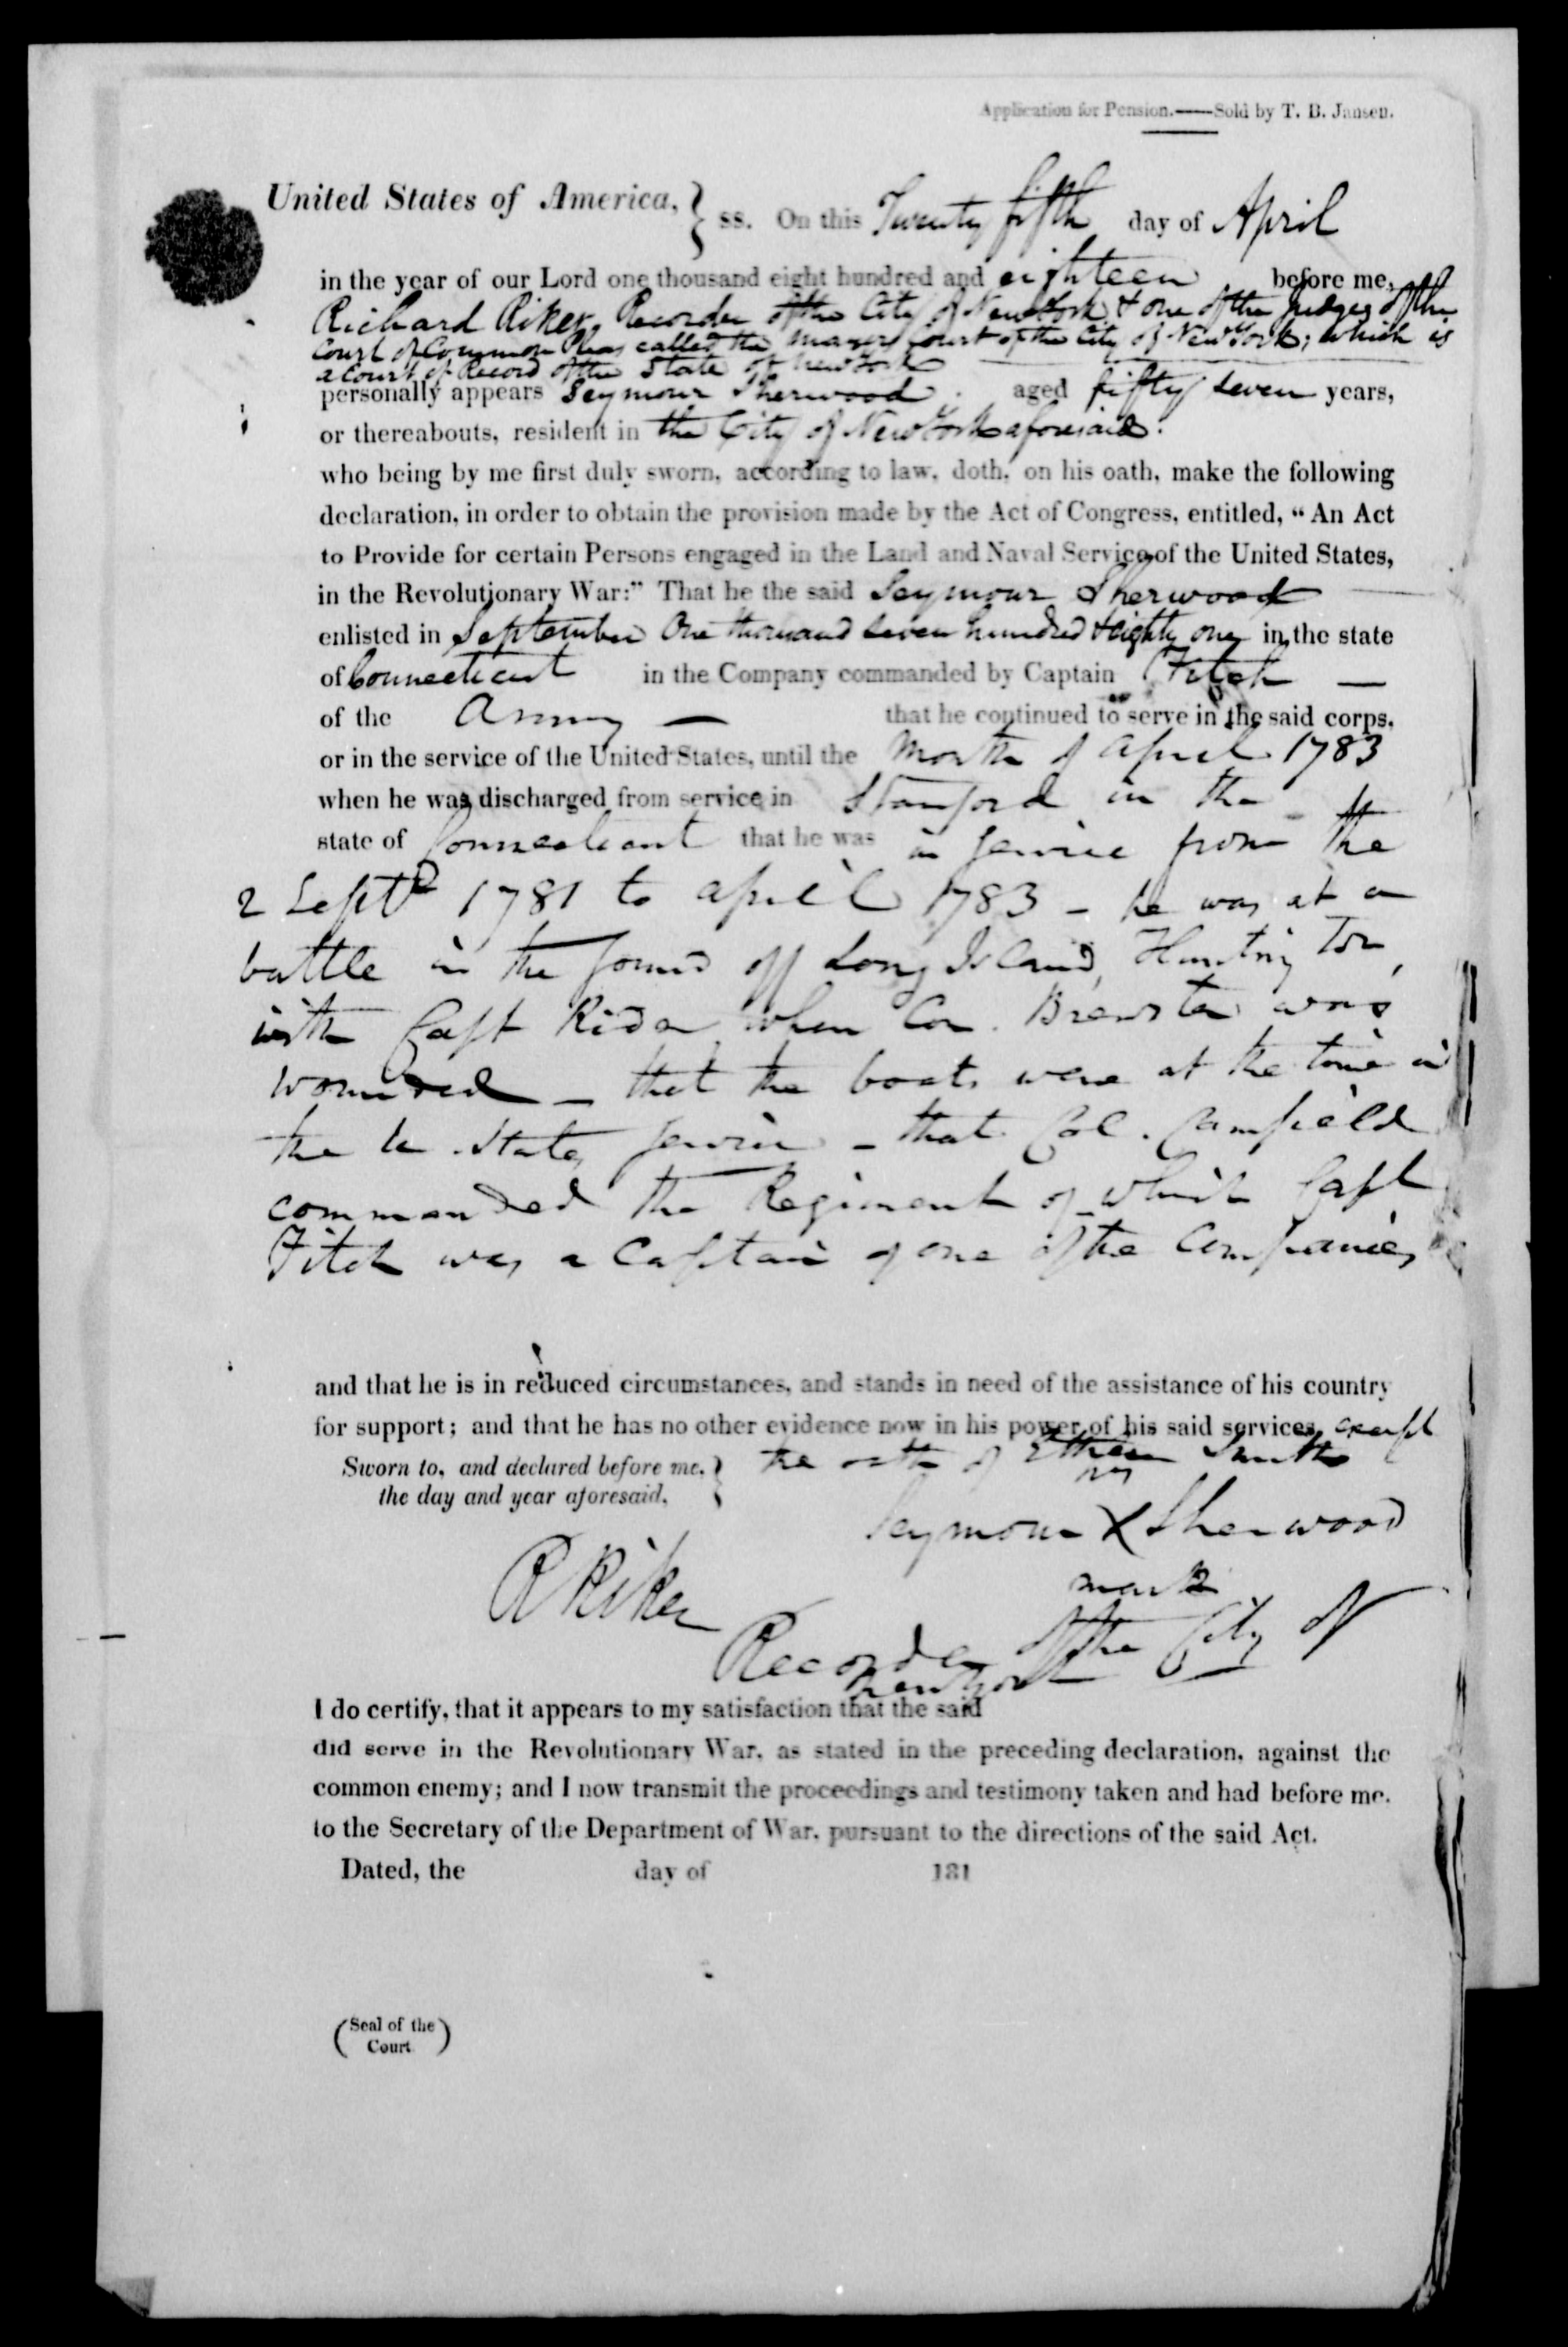Application for Pension - Sold by T.B. Jansen


United States of America

On this twenty fifth day of April in the year of our Lord one thousand eight hundred and eighteen, before me, Richard Riker, Recorder of the City of New York, and one of the Judges of the Court of Common Pleas now called the Mayor's Court of the City of New York; which is a Court of Record of the State of New York 
personally appears Seymour Sherwood aged fifty seven years or thereabouts, resident in the City of New York aforesaid
who being by me first duly sworn, according to law, doth, on his oath, make the following declaration, in order to obtain the provision made by the Act of Congress, entitled, "An Act to Provide for certain Persons engaged in the Land and Naval Service of the United States, in the Revolutionary War:" That he the said Seymour Sherwood enlisted in September One thousand seven hundred and eighty one in the state of Connecticut in the Company commanded by Captain Fitch of the Army that he continued to served in the said corps, or in the service of the United States, until the month of April 1783 when he was discharged from service in Stamford in the state of Connecticut that he was in service from the 2nd Sept. 1781 to April 1783 - he was at a battle in the sound off Long Island, Huntington,  with Capt Rider when Col. Brewster was wounded - that the boat was at the time in the State service - that Col. Canfield commanded the Regiment of which Capt. Fitch was a Captain of one of the companies

and that he is in reduced circumstances, and stands in need of the assistance of his country for support; and that he has no other evidence now in his power of his said services, except the oath of Ethan Smith.

Seymour Sherwood
(his mark)

Sworn to, and declared before em,
the day and year aforesaid.

R.Riker
Recorder of the City of New York

I do certify, that it appears to my satisfaction that the said
did serve in the Revolutionary War, as stated in the preceding declaration, against the common enemy; and I now transmit the proceedings and testimony taken and had before me, to the Secretary of the Department of War, pursuant to the directions of the said Act.

Dated, the ---- day of ---- 181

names: [BLANK] Fitch; [BLANK] Brewster; Seymour Sherwood; Ethan Smith; Richard Riker; [BLANK] Fitch; [BLANK] Camfield; T B Jansen; Seymour Sherwood; [BLANK] Ride; Seymour Sherwood; R Riker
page: 18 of 30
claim: survivor's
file: S. 42289, for Seymore Sherwood, Connecticut